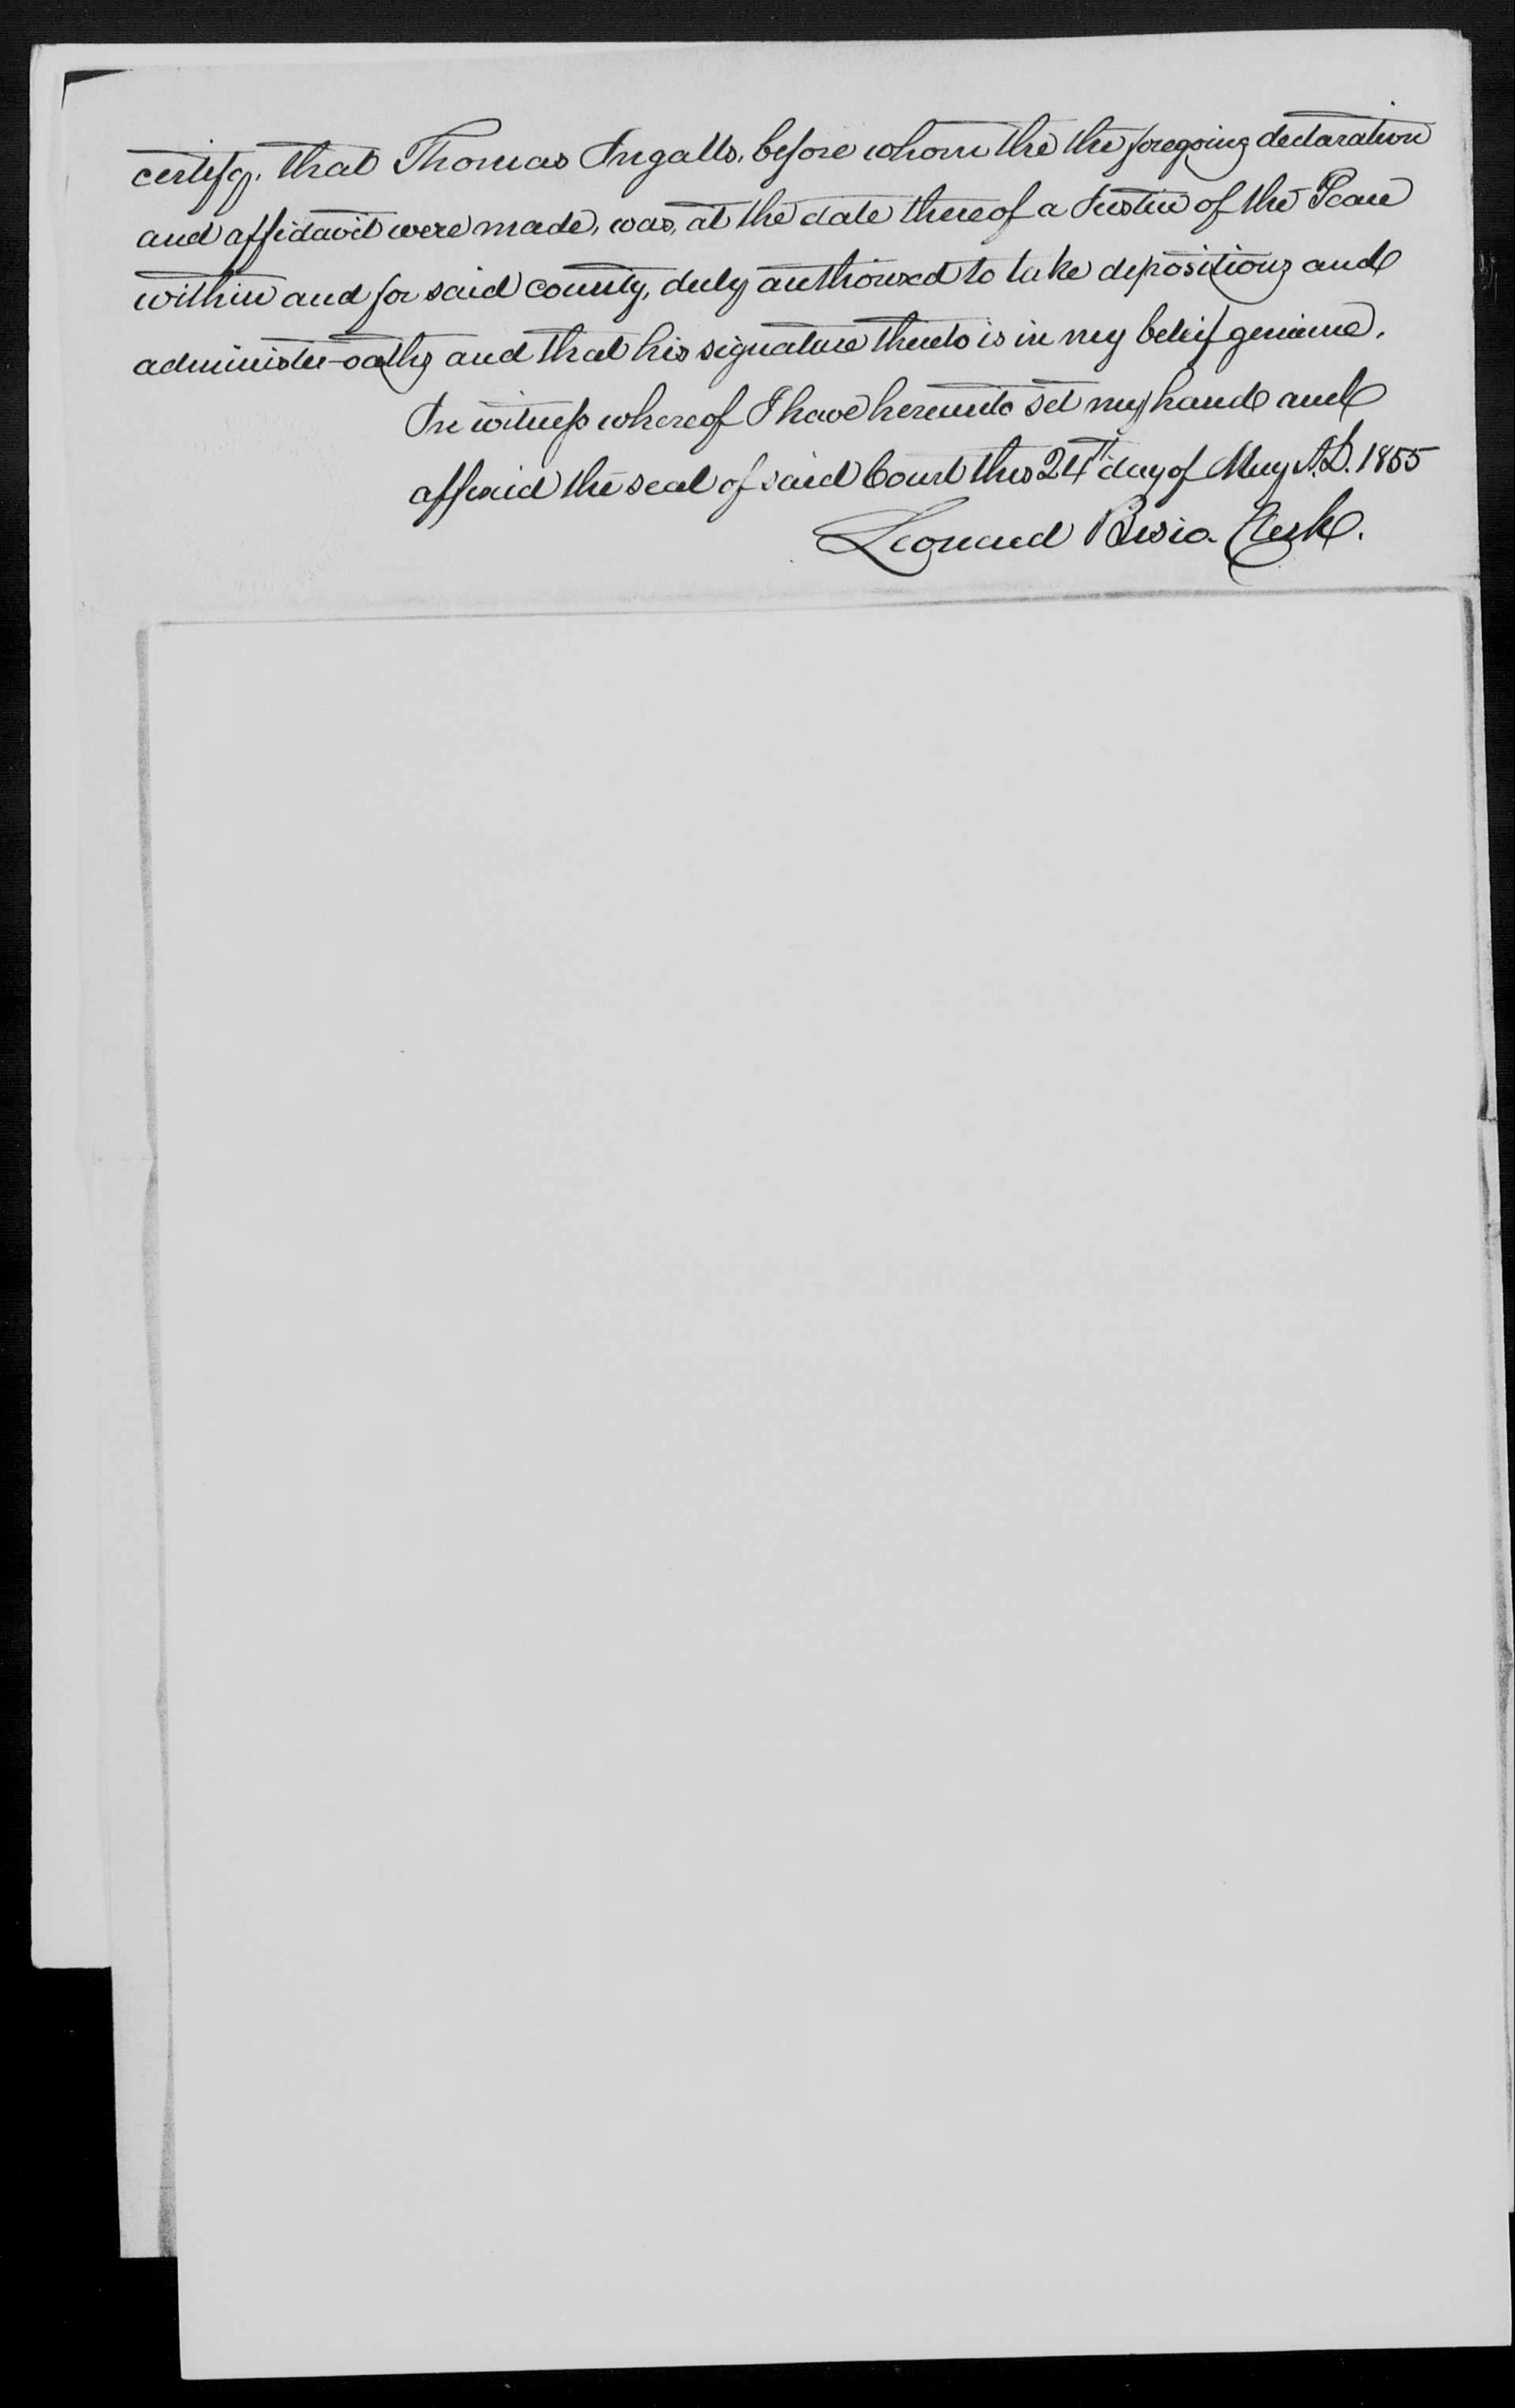certify, thatThomas Ingalls, before whom the the foregoing declaration
and affidavit were made, was, at the date thereof a Justice of the Peace
within and for said county, duly authorized to take depositions and
administer oaths and that his signature thereto is in my belief genuine.
In witness whereof I have hereunto set my hand and
affixed the seal of said Court this 24th day of May A.D. 1855
Leonard Besio, Clerk.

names: Leonard Besio, Thomas Ingalls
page: 11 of 42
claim: widow's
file: W. 23,652, Nehemiah Bowers, Mass.